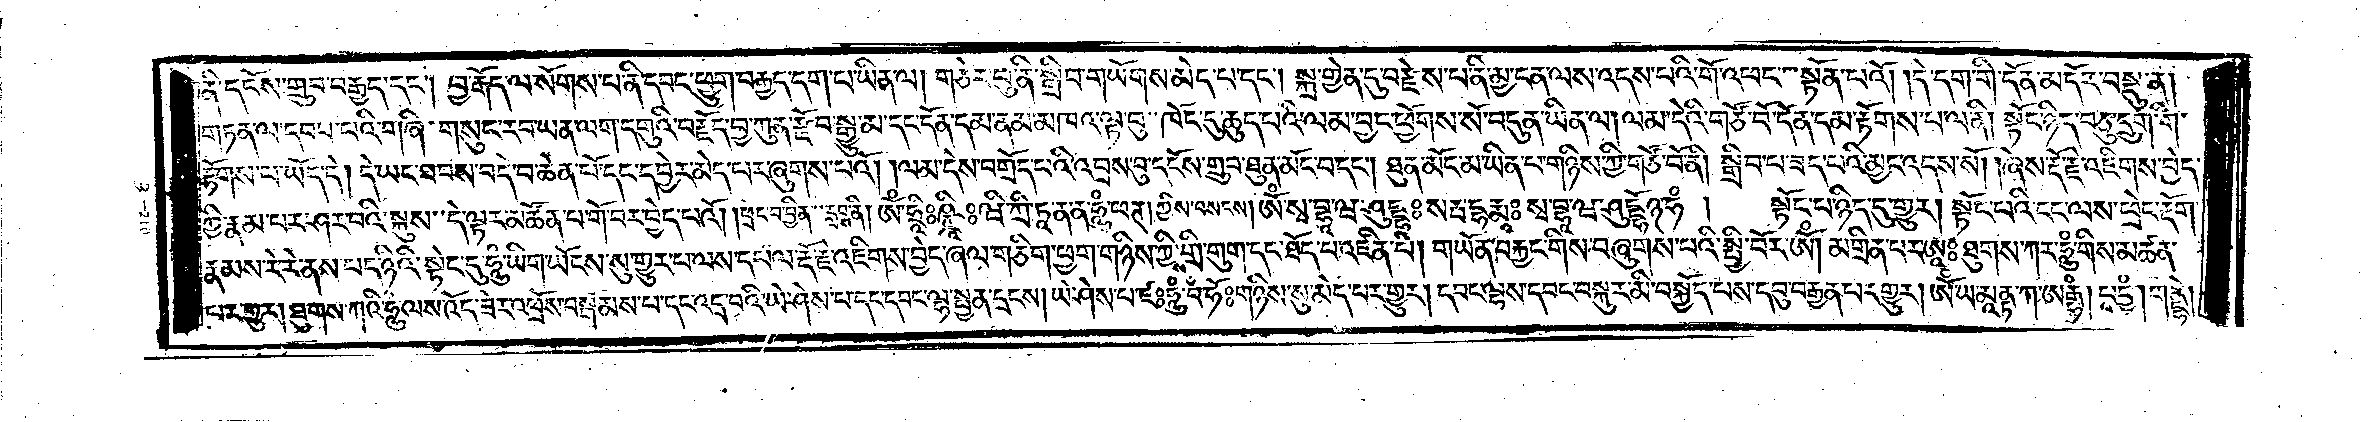ནི་དངོས་གྲུབ་བརྒྱད་དང་། བྱ་རྒོད་ལ་སོགས་པ་ནི་དབང་ཕྱུག་བརྒྱད་དག་པ་ཡིན་ལ། གཅེར་བུ་ནི་སྒྲིབ་གཡོགས་མེད་པ་དང་། སྐྲ་གྱེན་དུ་བརྫེས་པ་ནི་མྱ་ངན་ལས་འདས་པའི་གོ་འཕང་སྟོན་པའོ། །དེ་དག་གི་དོན་མདོར་བསྡུ་ན།
གཏན་ལ་དབབ་པའི་གཞི་གསུང་རབ་ཡན་ལག་དགུའི་བརྗོད་བྱ་ཀུན་རྫོབ་སྒྱུ་མ་དང་དོན་དམ་ནམ་མཁའ་ལྟ་བུ་ཁོང་དུ་ཆུད་པའི་ལམ་བྱང་ཕྱོགས་སོ་བདུན་ཡིན་ལ། ལམ་དེའི་གཙོ་བོ་དོན་དམ་རྟོགས་པ་ལ་ནི། སྟོང་ཉིད་བཅུ་དྲུག་གི་
རྟོགས་པ་ཡོད་དེ། དེ་ཡང་ཐབས་བདེ་བ་ཆེན་པོ་དང་དབྱེར་མེད་པར་ཞུགས་པའོ། །ལམ་དེས་བགྲོད་པའི་འབྲས་བུ་དངོས་གྲུབ་ཐུན་མོང་བ་དང་། ཐུན་མོང་མ་ཡིན་པ་གཉིས་ཀྱི་གཙོ་བོ་ནི། སྒྲིབ་པ་ཟད་པའི་མྱང་འདས་སོ། །ཞེས་རྡོ་རྗེ་འཇིགས་བྱེད་
ཀྱི་རྣམ་པར་ཤར་བའི་སྐུས་དེ་ལྟར་མཚོན་པ་གོ་བར་བྱེད་པའོ། །ཕྲེང་བ་བྱིན་བརླབས་ནི།  ཨོཾ་ཧྲཱིཿཥྚཱིཿཝི་ཀྲི་ཏཱ་ན་ན་ཧཱུཾ་ཕཊ། ཀྱིས་བསངས།  ཨོཾ་སྭ་བྷཱ་ཝ་ཤུདྡྷཱཿ སརྦདྷ་རྨཱཿ སྭ་བྷཱཝ་ཤུདྡྷོ་ཉ་ཧཾ། སྟོང་པ་ཉིད་དུ་གྱུར། སྟོང་པའི་ངང་ལས་ཕྲེང་རྡོག་
རྣམས་རེ་རེ་ནས་པད་ཉིའི་སྟེང་དུ་ཧཱུཾ་ཡིག་ཡོངས་སུ་གྱུར་པ་ལས་དཔལ་རྡོ་རྗེ་འཇིགས་བྱེད་ཞལ་གཅིག་ཕྱག་གཉིས་ཀྱིས་གྲི་གུག་དང་ཐོད་པ་འཛིན་པ། གཡོན་བརྐྱང་གིས་བཞུགས་པའི་སྤྱི་བོར་ཨོཾ། མགྲིན་པར་ཨཱཿཐུགས་ཀར་ཧཱུཾ་གིས་མཚན་
པར་གྱུར། ཐུགས་ཀའི་ཧཱུཾ་ལས་འོད་ཟེར་འཕྲོས་བསྒོམས་པ་དང་འདྲ་བའི་ཡེ་ཤེས་པ་དང་དབང་ལྷ་སྤྱན་དྲངས། ཡེ་ཤེས་པ་ཛཿཧཱུཾ་བཾ་ཧོཿགཉིས་སུ་མེད་པར་གྱུར། དབང་ལྷས་དབང་བསྐུར་མི་བསྐྱོད་པས་དབུ་བརྒྱན་པར་གྱུར། ཨོཾ་ཡ་མཱནྟ་ཀ་ཨརྒྷཾ། པཱ་དྱཾ། གནྡྷེ་